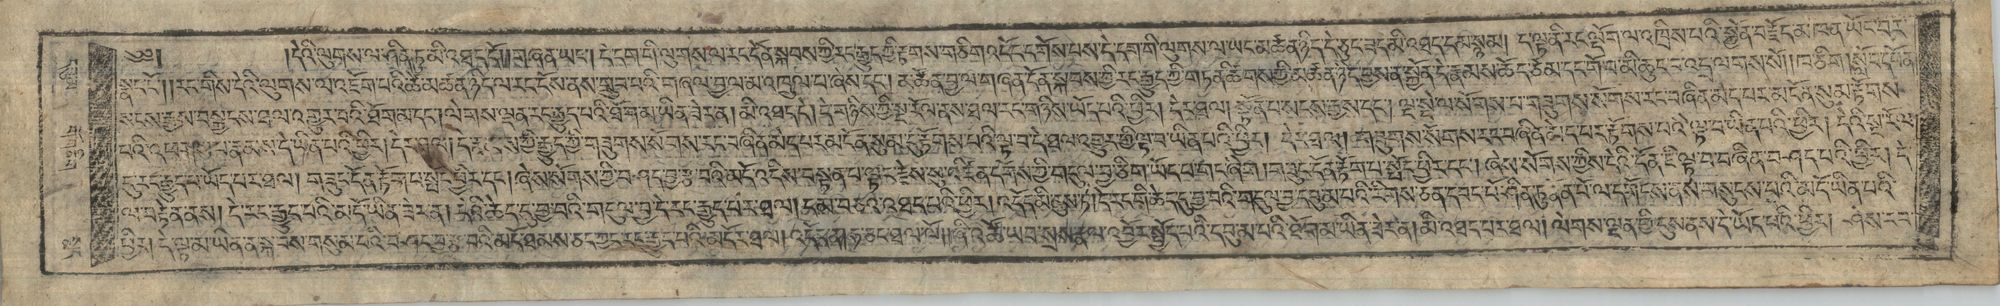༄༅། །དེའི་ལུགས་ལ་ཤིན་ཏུ་མི་འཐད་དོ། །གཞན་ཡང་། དེ་དག་གི་ལུགས་ལ་རང་དོན་སྐབས་ཀྱི་རང་རྒྱུད་ཀྱི་རྟགས་གཅིག་འདོད་དགོས་པས་དེ་དག་གི་ལུགས་ལ་ཡང་མཚན་ཉིད་དེ་ཅུང་ཟད་མི་འཐད་དམ་སྙམ། ད་ལྟ་ནི་རང་ལྡོག་ལ་འཁྲིསྤའི་སྐྱོན་བརྗོད་མཁན་ཡོངྦར་
སྣང་ངོ། །རང་གིས་དེའི་ལུགས་ལ་འཇོག་པའི་ཚེ་མཚན་ཉིད་ལ་རང་ངོས་ནས་གྲུབ་པའི་གཞལ་བྱ་ལ་མ་འཁྲུལ་པ་ཞེས་དང་། མཚོན་བྱ་ལ་གཞན་དོན་སྐབས་ཀྱི་རང་རྒྱུད་ཀྱི་གཏན་ཚིགས་ཀྱི་མཚན་ཉིད་བྱས་ན་སྐྱོན་དེ་རྣམས་ཆོད་ཙམ་དང་གོ་བ་མི་ཆུང་བ་འདྲ་ལགས་སོ། །ཁ་ཅིག །སློབ་དཔོན་
སངས་རྒྱས་བསྐྱངས་ཐལ་འགྱུར་བའི་ཐོག་མ་དང་། ལེགས་ལྡན་རང་རྒྱུད་པའི་ཐོག་མ་ཡིན་ཟེར་ན། མི་འཐད་དེ། དེ་གཉིས་ཀྱི་སྔ་རོལ་ནས་ཐལ་རང་གཉིས་ཡོད་པའི་ཕྱིར། དེར་ཐལ། སྟོན་པ་སངས་རྒྱས་དང་། ལྔ་སྡེ་ལ་སོགས་པ་གཟུགས་སོགས་རང་བཞིན་མེད་པར་མངོན་སུམ་རྟོགས་
པའི་འཕགས་པ་རྣམས་དེ་ཡིན་པའི་ཕྱིར། དེར་ཐལ། དེ་རྣམས་ཀྱི་རྒྱུད་ཀྱི་གཟུགས་སོགས་རང་བཞིན་མེད་པར་མངོན་སུམ་དུ་རྟོགས་པའི་ལྟ་བ་དེ་ཐལ་འགྱུར་གྱི་ལྟ་བ་ཡིན་པའི་ཕྱིར། དེར་ཐལ། གཟུགས་སོགས་རང་བཞིན་མེད་པར་རྟོགས་པའི་ལྟ་བ་ཡིན་པའི་ཕྱིར། དེའི་སྔ་རོལ་
དུ་རང་རྒྱུད་པ་ཡོད་པར་ཐལ། གཟུང་དོན་རྟོག་པ་སྤོང་ཕྱིར་དང་། ཞེས་སོགས་ཀྱི་བཤད་བྱ་རྩ་བའི་མདོ་འདིས་བསྟན་པ་ལྟར་རྗེས་སུ་འཛིན་དགོས་ཀྱི་གདུལ་བྱ་ཅིག་ཡོད་པ་གང་ཞིག །གཟུང་དོན་རྟོག་པ་སྤོང་ཕྱིར་དང་། ཞེས་སོགས་ཀྱིས་དེའི་དོན་ཇི་ལྟ་བ་བཞིན་བཤད་པའི་ཕྱིར། དེ་
ལ་བརྟེན་ནས། དེ་རང་རྒྱུད་པའི་མདོ་ཡིན་ཟེར་ན། དེའི་ཆེད་དུ་བྱ་བའི་གདུལ་བྱ་དེ་རང་རྒྱུད་པར་ཐལ། དམ་བཅའ་འཐད་པའི་ཕྱིར། འདོད་མི་ནུས་ཏེ། དེ་རང་གི་ཆེད་དུ་བྱ་བའི་གདུལ་བྱ་དབུ་མ་པའི་རིགས་ཅན་དབང་པོ་ཤིན་ཏུ་རྣོན་པོ་ལ་དགོངས་ནས་གསུངས་པའི་མདོ་ཡིན་པའི་
ཕྱིར། དེ་ལྟ་མ་ཡིན་ན་སྐབས་གསུམ་པའི་བཤད་བྱ་རྩ་བའི་མདོ་ཐམས་ཅད་ཀྱང་རང་རྒྱུད་པའི་མདོར་ཐལ། འདོད་ན། ཧ་ཅང་ཐལ་ལོ། ཞི་འཚོ་ཡབ་སྲས་རྣལ་འབྱོར་སྤྱོད་པའི་དབུ་མ་པའི་ཐོག་མ་ཡིན་ཟེར་ན། མི་འཐད་པར་ཐལ། ལེགས་ལྡན་གྱི་དུས་ནས་དེ་ཡོད་པའི་ཕྱིར། ཤེས་རབ་